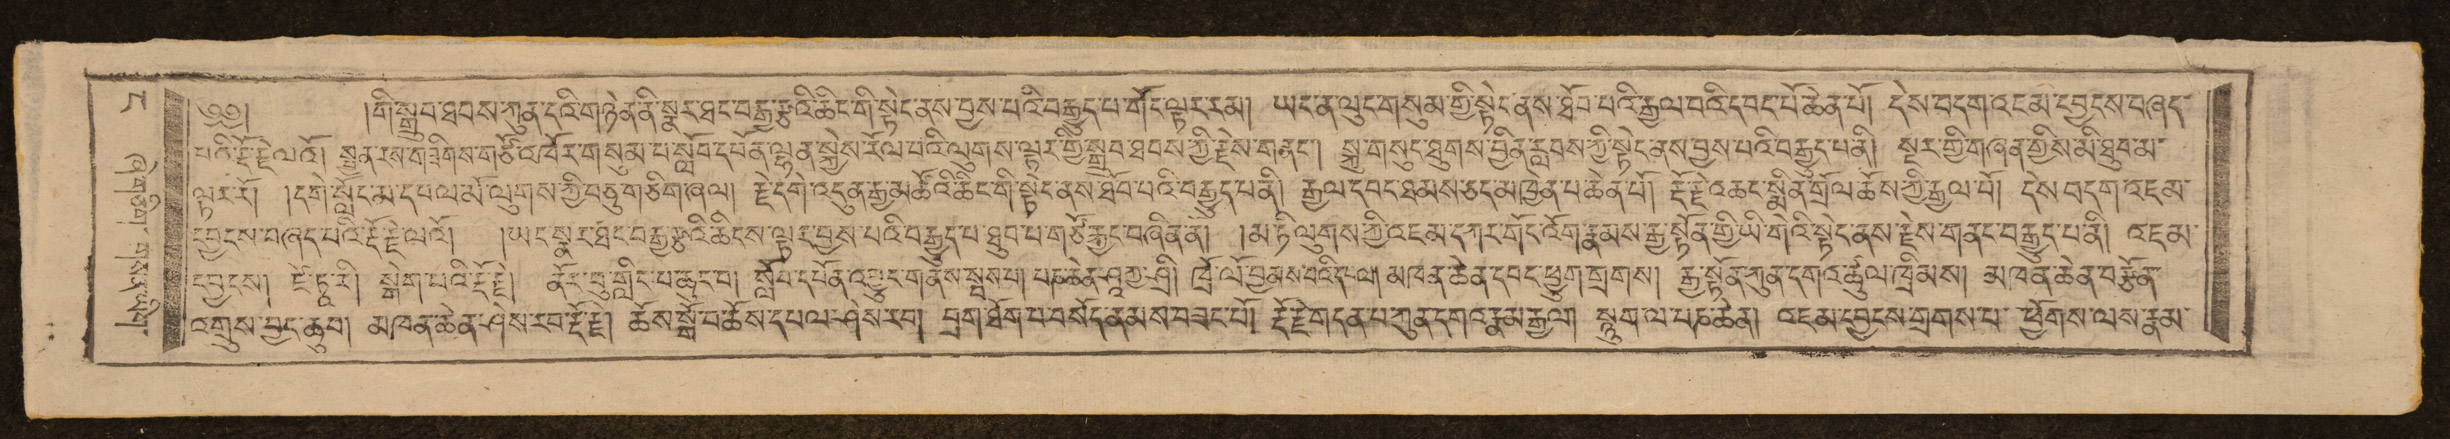༄༅། །གི་སྒྲུབ་ཐབས་ཀུན་དའི་གཉེན་ནི་སྣར་ཐང་བརྒྱ་རྩའི་ཆིང་གི་སྟེང་ནས་བྱས་པའི་བརྒྱུད་པ་གོང་ལྟར་རམ། ཡང་ན་ལུང་གསུམ་གྱི་སྟེང་ནས་ཐོབ་པའི་རྒྱལ་བའི་དབང་པོ་ཆེན་པོ། དེས་བདག་འཇམ་དབྱངས་བཞད་
པའི་རྡོ་རྗེ་ལའོ། སྤྱན་རས་གཟིགས་གཙོ་འཁོར་གསུམ་པ་སློབ་དཔོན་ལྷན་སྐྱེས་རོལ་བའི་ལུགས་ལྟར་གྱི་སྒྲུབ་ཐབས་ཀྱི་རྗེས་གནང་། སྐུ་གསུང་ཐུགས་བྱིན་རླབས་ཀྱི་སྟེང་ནས་བྱས་པའི་བརྒྱུད་པ་ནི། སྔར་གྱི་གཞན་གྱིས་མི་ཐུབ་མ་
ལྟར་རོ། །དགེ་སློང་མ་དཔལ་མོ་ལུགས་ཀྱི་བཅུ་གཅིག་ཞལ། རྗེ་དགེ་འདུན་རྒྱ་མཚོའི་ཆིང་གི་སྟེང་ནས་ཐོབ་པའི་བརྒྱུད་པ་ནི། རྒྱལ་དབང་ཐམས་ཅད་མཁྱེན་པ་ཆེན་པོ། རྡོ་རྗེ་འཆང་སྨིན་གྲོལ་ཆོས་ཀྱི་རྒྱལ་པོ། དེས་བདག་འཇམ་
དབྱངས་བཞད་པའི་རྡོ་རྗེ་ལའོ། །ཡང་སྣར་ཐང་བརྒྱ་རྩའི་ཆིངས་ལྟར་བྱས་པའི་བརྒྱུད་པ་ཐུབ་པ་གཙོ་རྐྱང་བཞིན་ནོ། །མ་ཏི་ལུགས་ཀྱི་འཇམ་དཀར་གོང་འོག་རྣམས་རྒྱ་སྟོན་གྱི་ཡི་གེའི་སྟེང་ནས་རྗེས་གནང་བརྒྱུད་པ་ནི། འཇམ་
དབྱངས། ཛེ་ཏཱ་རི། སྒེག་པའི་རྡོ་རྗེ། ནོར་བུ་གླིང་པ་ཆུང་བ། སློབ་དཔོན་འབྱུང་གནས་སྦས་པ། པཎ་ཆེན་ཤཱཀྱ་ཤྲི། ཁྲོ་ལོ་བྱམས་པའི་དཔལ། མཁན་ཆེན་དབང་ཕྱུག་གྲགས། རྒྱ་སྟོན་ཀུན་དགའ་ཚུལ་ཁྲིམས། མཁན་ཆེན་བརྩོན་
འགྲུས་བྱང་ཆུབ། མཁན་ཆེན་ཤེས་རབ་རྡོ་རྗེ། ཆོས་སྒོ་བ་ཆོས་དཔལ་ཤེས་རབ། བྲག་ཐོག་པ་བསོད་ནམས་བཟང་པོ། རྡོ་རྗེ་གདན་པ་ཀུན་དགའ་རྣམ་རྒྱལ། སྙུག་ལ་པཎ་ཆེན། འཇམ་དབྱངས་གྲགས་པ་ཕྱོགས་ལས་རྣམ་